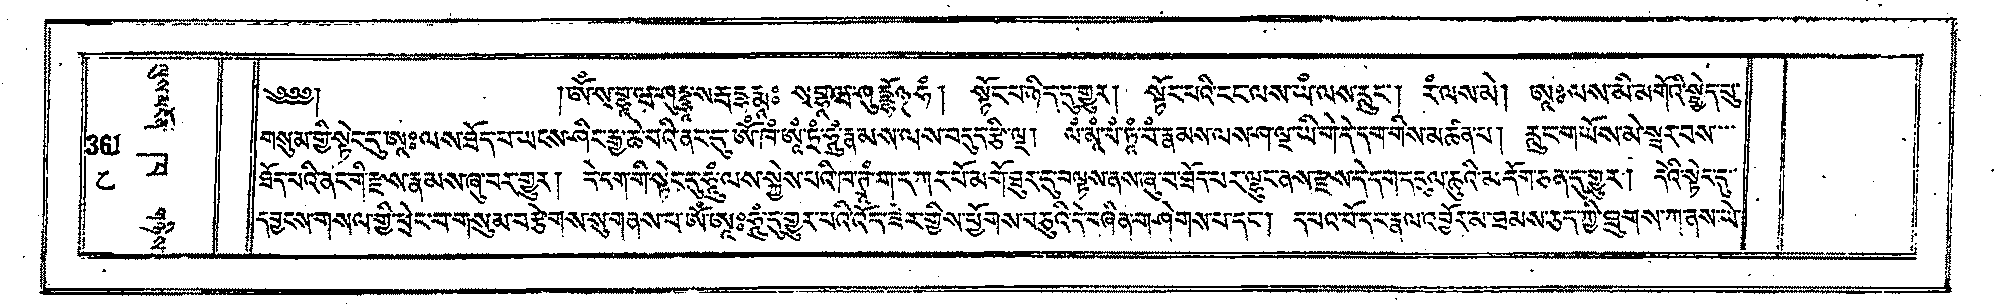༄༅༅། །ཨོཾ་སྭ་བྷཱ་ཝ་ཤུདྡྷཱ་སརྦ་དྷརྨཱཿ སྭབྷཱ་ཝ་ཤུདྡྷོཉཧཾ། སྟོང་པ་ཉིད་དུ་གྱུར། སྟོང་པའི་ངང་ལས་ཡཾ་ལས་རླུང་། རཾ་ལས་མེ། ཨཱཿལས་མི་མགོའི་སྒྱེད་པུ་
གསུམ་གྱི་སྟེང་དུ་ཨཱཿལས་ཐོད་པ་ཡངས་ཤིང་རྒྱ་ཆེ་བའི་ནང་དུ་ཨོཾ་ཁཾ་ཨཱཾ་ཏྲཾ་ཧཱུཾ་རྣམས་ལས་བདུད་རྩི་ལྔ། ལཾ་མཱཾ་པཾ་ཏཱཾ་བཾ་རྣམས་ལས་ཤ་ལྔ་ཡི་གེ་དེ་དག་གིས་མཚན་པ། རླུང་གཡོས་མེ་སྦར་བས་་་
ཐོད་པའི་ནང་གི་རྫས་རྣམས་ཞུ་བར་གྱུར། དེ་དག་གི་སྟེང་དུ་ཧཱུཾ་ལས་སྐྱེས་པའི་ཁ་ཊྭཱཾ་ག་དཀར་པོ་མགོ་ཐུར་དུ་བལྟས་ནས་ཞུ་བ་ཐོད་པར་ལྷུང་ནས་རྫས་དེ་དག་དངུལ་ཆུའི་མདོག་ཅན་དུ་གྱུར། དེའི་སྟེང་དུ་་་
དབྱངས་གསལ་གྱི་ཕྲེང་བ་གསུམ་བརྩེགས་སུ་གནས་པ་ཨོཾ་ཨཱཿཧཱུཾ་དུ་གྱུར་པའི་འོད་ཟེར་གྱིས་ཕྱོགས་བཅུའི་དེ་བཞིན་གཤེགས་པ་དང་། དཔའ་བོ་དང་རྣལ་འབྱོར་མ་ཐམས་ཅད་ཀྱི་ཐུགས་ཀ་ནས་ཡེ་